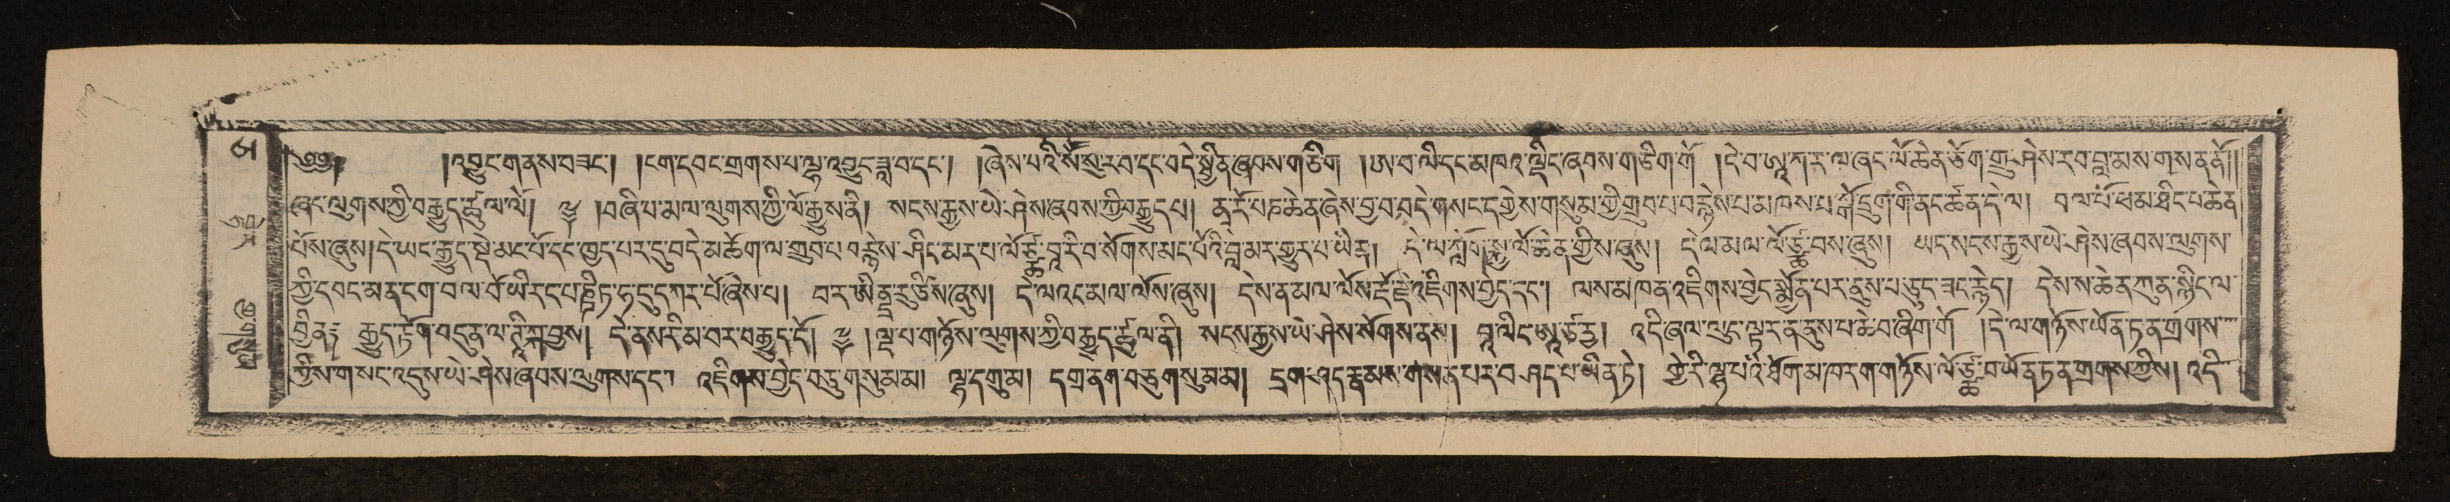༄༅། །འབྱུང་གནས་བཟང་། །ངག་དབང་གྲགས་པ་ལྷ་འབྱུང་ཟླ་བ་དང་། །ཞེས་པའི་སཽ་སུ་ར་བ་དང་བདེ་སྦྱིན་ཞབས་གཅིག །ཨ་བ་ལི་དང་མཁའ་ལྡིང་ཞབས་གཅིག་གོ །དེ་བ་ཨཱ་ཀ་ར་ལ་ཞང་ལོ་ཆེན་ཅོག་གྲུ་ཤེས་རབ་བླ་མས་གསན་ནོ།།
ཞང་ལུགས་ཀྱི་བརྒྱུད་ཚུལ་ལོ། ༈ །བཞི་པ་མལ་ལུགས་ཀྱི་ལོ་རྒྱུས་ནི། སངས་རྒྱས་ཡེ་ཤེས་ཞབས་ཀྱི་བརྒྱུད་པ། ནཱ་རོ་པཎ་ཆེན་ཞེས་བྱ་བ་བདེ་གསང་དགྱེས་གསུམ་གྱི་གྲུབ་པ་བརྙེས་པ་མཁས་པ་སྒོ་དྲུག་གི་ནང་ཚན་དེ་ལ། བལ་པོ་ཕམ་ཐིང་བ་ཆེན་
པོས་ཞུས། དེ་ཡང་རྒྱུད་སྡེ་མང་པོ་དང་ཁྱད་པར་དུ་བདེ་མཆོག་ལ་གྲུབ་པ་བརྙེས་ཤིང་མར་བ་ལོ་ཙྪ་བཱ་རི་བ་སོགས་མང་པོའི་བླ་མར་གྱུར་པ་ཡིན། དེ་ལ་ཀློག་སྐྱ་ལོ་ཆེན་གྱིས་ཞུས། དེ་ལམ་ལ་ལོཙྪ་བས་ཞུས། ཡང་སངས་རྒྱས་ཡེ་ཤེས་ཞབས་ལུགས་
ཀྱི་དབང་མན་ངག་པ་ལ་བོ་ཡི་རང་པཎྜི་ཏ་ཧ་དུ་དཀར་བོ་ཞེས་པ། བ་ར་ཨིནྡྲ་རུ་ཙིས་ཞུས། དེ་ལའང་མལ་ལོས་ཞུས། དེས་ན་མ་མལ་ལོས་རྡོ་རྗེ་འཇིགས་བྱེད་དང་། ལས་མཁན་འཇིགས་བྱེད་སྨྱོན་པར་ནུས་པ་ཅུང་ཟད་རྙེད། དེས་ས་ཆེན་ཀུན་སྙིང་ལ་
བྱིན༑ རྒྱུད་རྟོག་བདུན་ལ་ཊཱིཀྐ་བྱས། དེ་ནས་རིམ་བར་བརྒྱུད་དོ། ༈ །ལྔ་བ་གཉོས་ལུགས་ཀྱི་བརྒྱུད་ཚུལ་ནི། སངས་རྒྱས་ཡེ་ཤེས་སོགས་ནས། བཱ་ལིང་ཨཱ་ཙརྱ། འདི་ཞལ་ལུང་ལྟ་ན་ནུས་པ་ཆེ་བ་ཞིག་གོ །དེ་ལ་གཉོས་ཡོན་ཏན་གྲགས་
ཀྱིས་གསང་འདུས་ཡེ་ཤེས་ཞབས་ལུགས་དང་། འཇིགས་བྱེད་བཅུ་གསུམ་མ། ལྷ་དགུ་མ། དགྲ་ནག་བཅུ་གསུམ་མ། དྲག་ཤད་རྣམས་གསན་པར་བཤད་པ་ཡིན་ཏེ། གྱེ་རི་ལྷ་བའི་ཐོག་མ་ཁར་གཉོས་ལོ་ཙྪ་བ་ཡོན་ཏན་གྲགས་ཀྱིས། འདི་